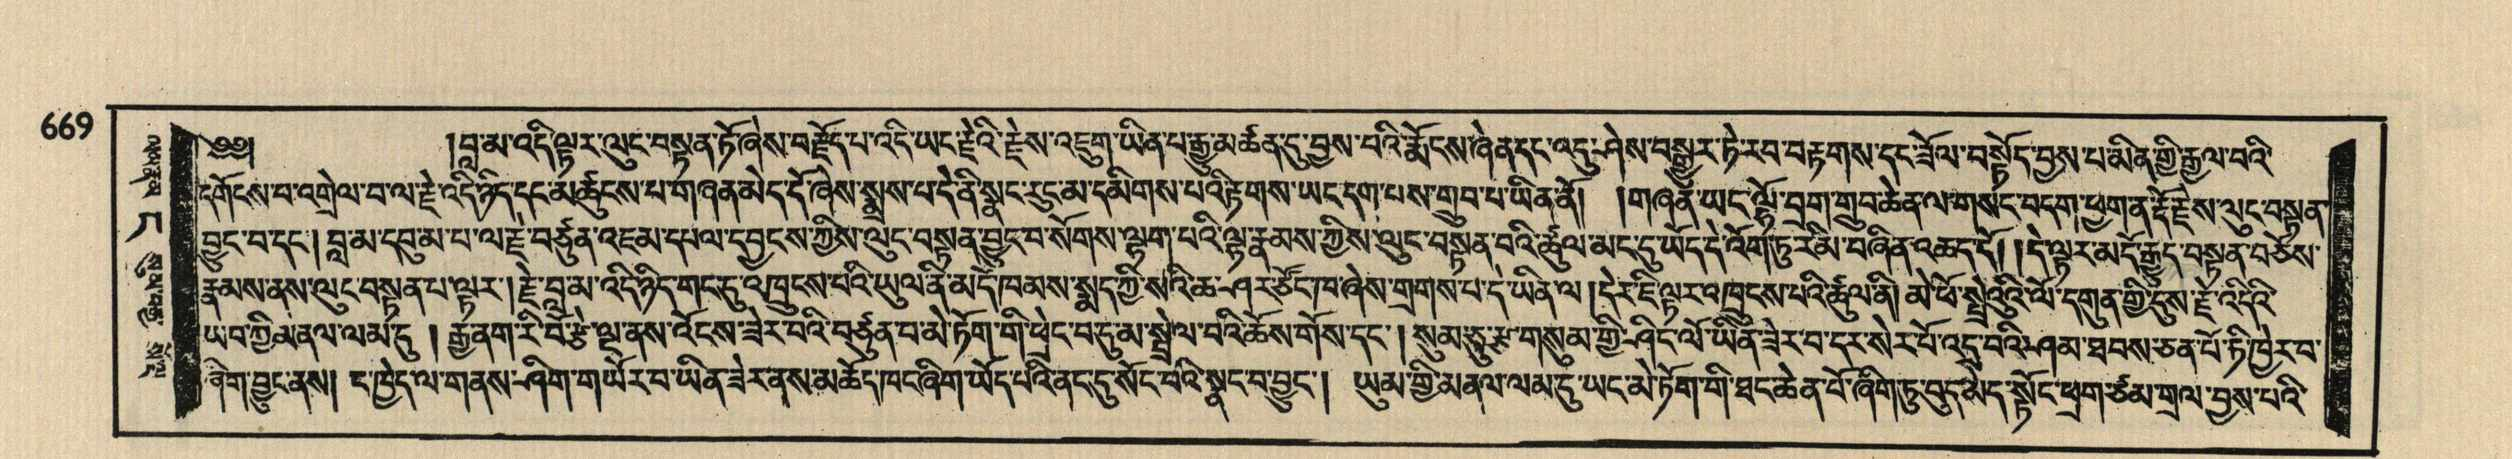༄༅། །བླ་མ་འདི་ལྟར་ལུང་བསྟན་ཏོ་ཞེས་བརྗོད་པ་འདི་ཡང་རྗེའི་རྗེས་འཇུག་ཡིན་པ་རྒྱུ་མཚན་དུ་བྱས་པའི་རྨོངས་ཞེན་དང་འདུ་ཤེས་བསྒྱུར་ཏེ་རབ་བརྟགས་དང་ཟོལ་བསྟོད་བྱས་པ་མིན་གྱི་རྒྱལ་བའི་
དགོངས་པ་འགྲེལ་བ་ལ་རྗེ་འདི་ཉིད་དང་མཚུངས་པ་གཞན་མེད་དོ་ཞེས་སྨྲས་པ་དེ་ནི་སྣང་རུང་མ་དམིགས་པའི་རྟགས་ཡང་དག་པས་གྲུབ་པ་ཡིན་ནོ། །གཞན་ཡང་ལྷོ་བྲག་གྲུབ་ཆེན་ལ་གསང་བདག་ཕྱག་ན་རྡོ་རྗེས་ལུང་བསྟན་
བྱུང་བ་དང་། བླ་མ་དབུ་མ་པ་ལ་རྗེ་བཙུན་འཇམ་དཔལ་དབྱངས་ཀྱིས་ལུང་བསྟན་བྱུང་བ་སོགས་ལྷག་པའི་ལྷ་རྣམས་ཀྱིས་ལུང་བསྟན་བའི་ཚུལ་མང་དུ་ཡོད་དེ་འོག་ཏུ་རིམ་བཞིན་འཆད་དོ། །དེ་ལྟར་མདོ་རྒྱུད་བསྟན་བཅོས་
རྣམས་ནས་ལུང་བསྟན་པ་ལྟར། རྗེ་བླ་མ་འདི་ཉིད་གང་དུ་འཁྲུངས་པའི་ཡུལ་ནི་མདོ་ཁམས་སྨད་ཀྱི་སའི་ཆ་ཤར་ཙོང་ཁ་ཞེས་གྲགས་པ་དེ་ཡིན་ལ་།དེར་ཇི་ལྟར་འཁྲུངས་པའི་ཚུལ་ནི། མེ་ཕོ་སྤྲེའུའི་ལོ་དགུན་གྱི་དུས་རྗེ་འདིའི་
ཡབ་ཀྱི་མནལ་ལམ་དུ་།རྒྱ་ནག་རི་བོ་རྩེ་ལྔ་ནས་འོངས་ཟེར་བའི་བཙུན་བ་མེ་ཏོག་གི་ཕྲེང་བ་དུ་མ་སྦྲེལ་བའི་ཆོས་གོས་དང་། སུམ་ཅུ་རྩ་གསུམ་གྱི་ཤིང་ལོ་ཡིན་ཟེར་བ་དར་སེར་པོ་འདྲ་བའི་ཤམ་ཐབས་ཅན་པོ་ཏི་ཁྱེར་བ་
ཞིག་བྱུང་ནས། ང་ཁྱེད་ལ་གནས་ཤིག་གཡོར་བ་ཡིན་ཟེར་ནས་མཆོད་ཁང་ཞིག་ཡོད་པའི་ནང་དུ་སོང་བའི་སྣང་བ་བྱུང་། ཡུམ་གྱི་མནལ་ལམ་དུ་ཡང་མེ་ཏོག་གི་ཐང་ཆེན་པོ་ཞིག་ཏུ་བུད་མེད་སྟོང་ཕྲག་ཙམ་གྲལ་བྱས་པའི་